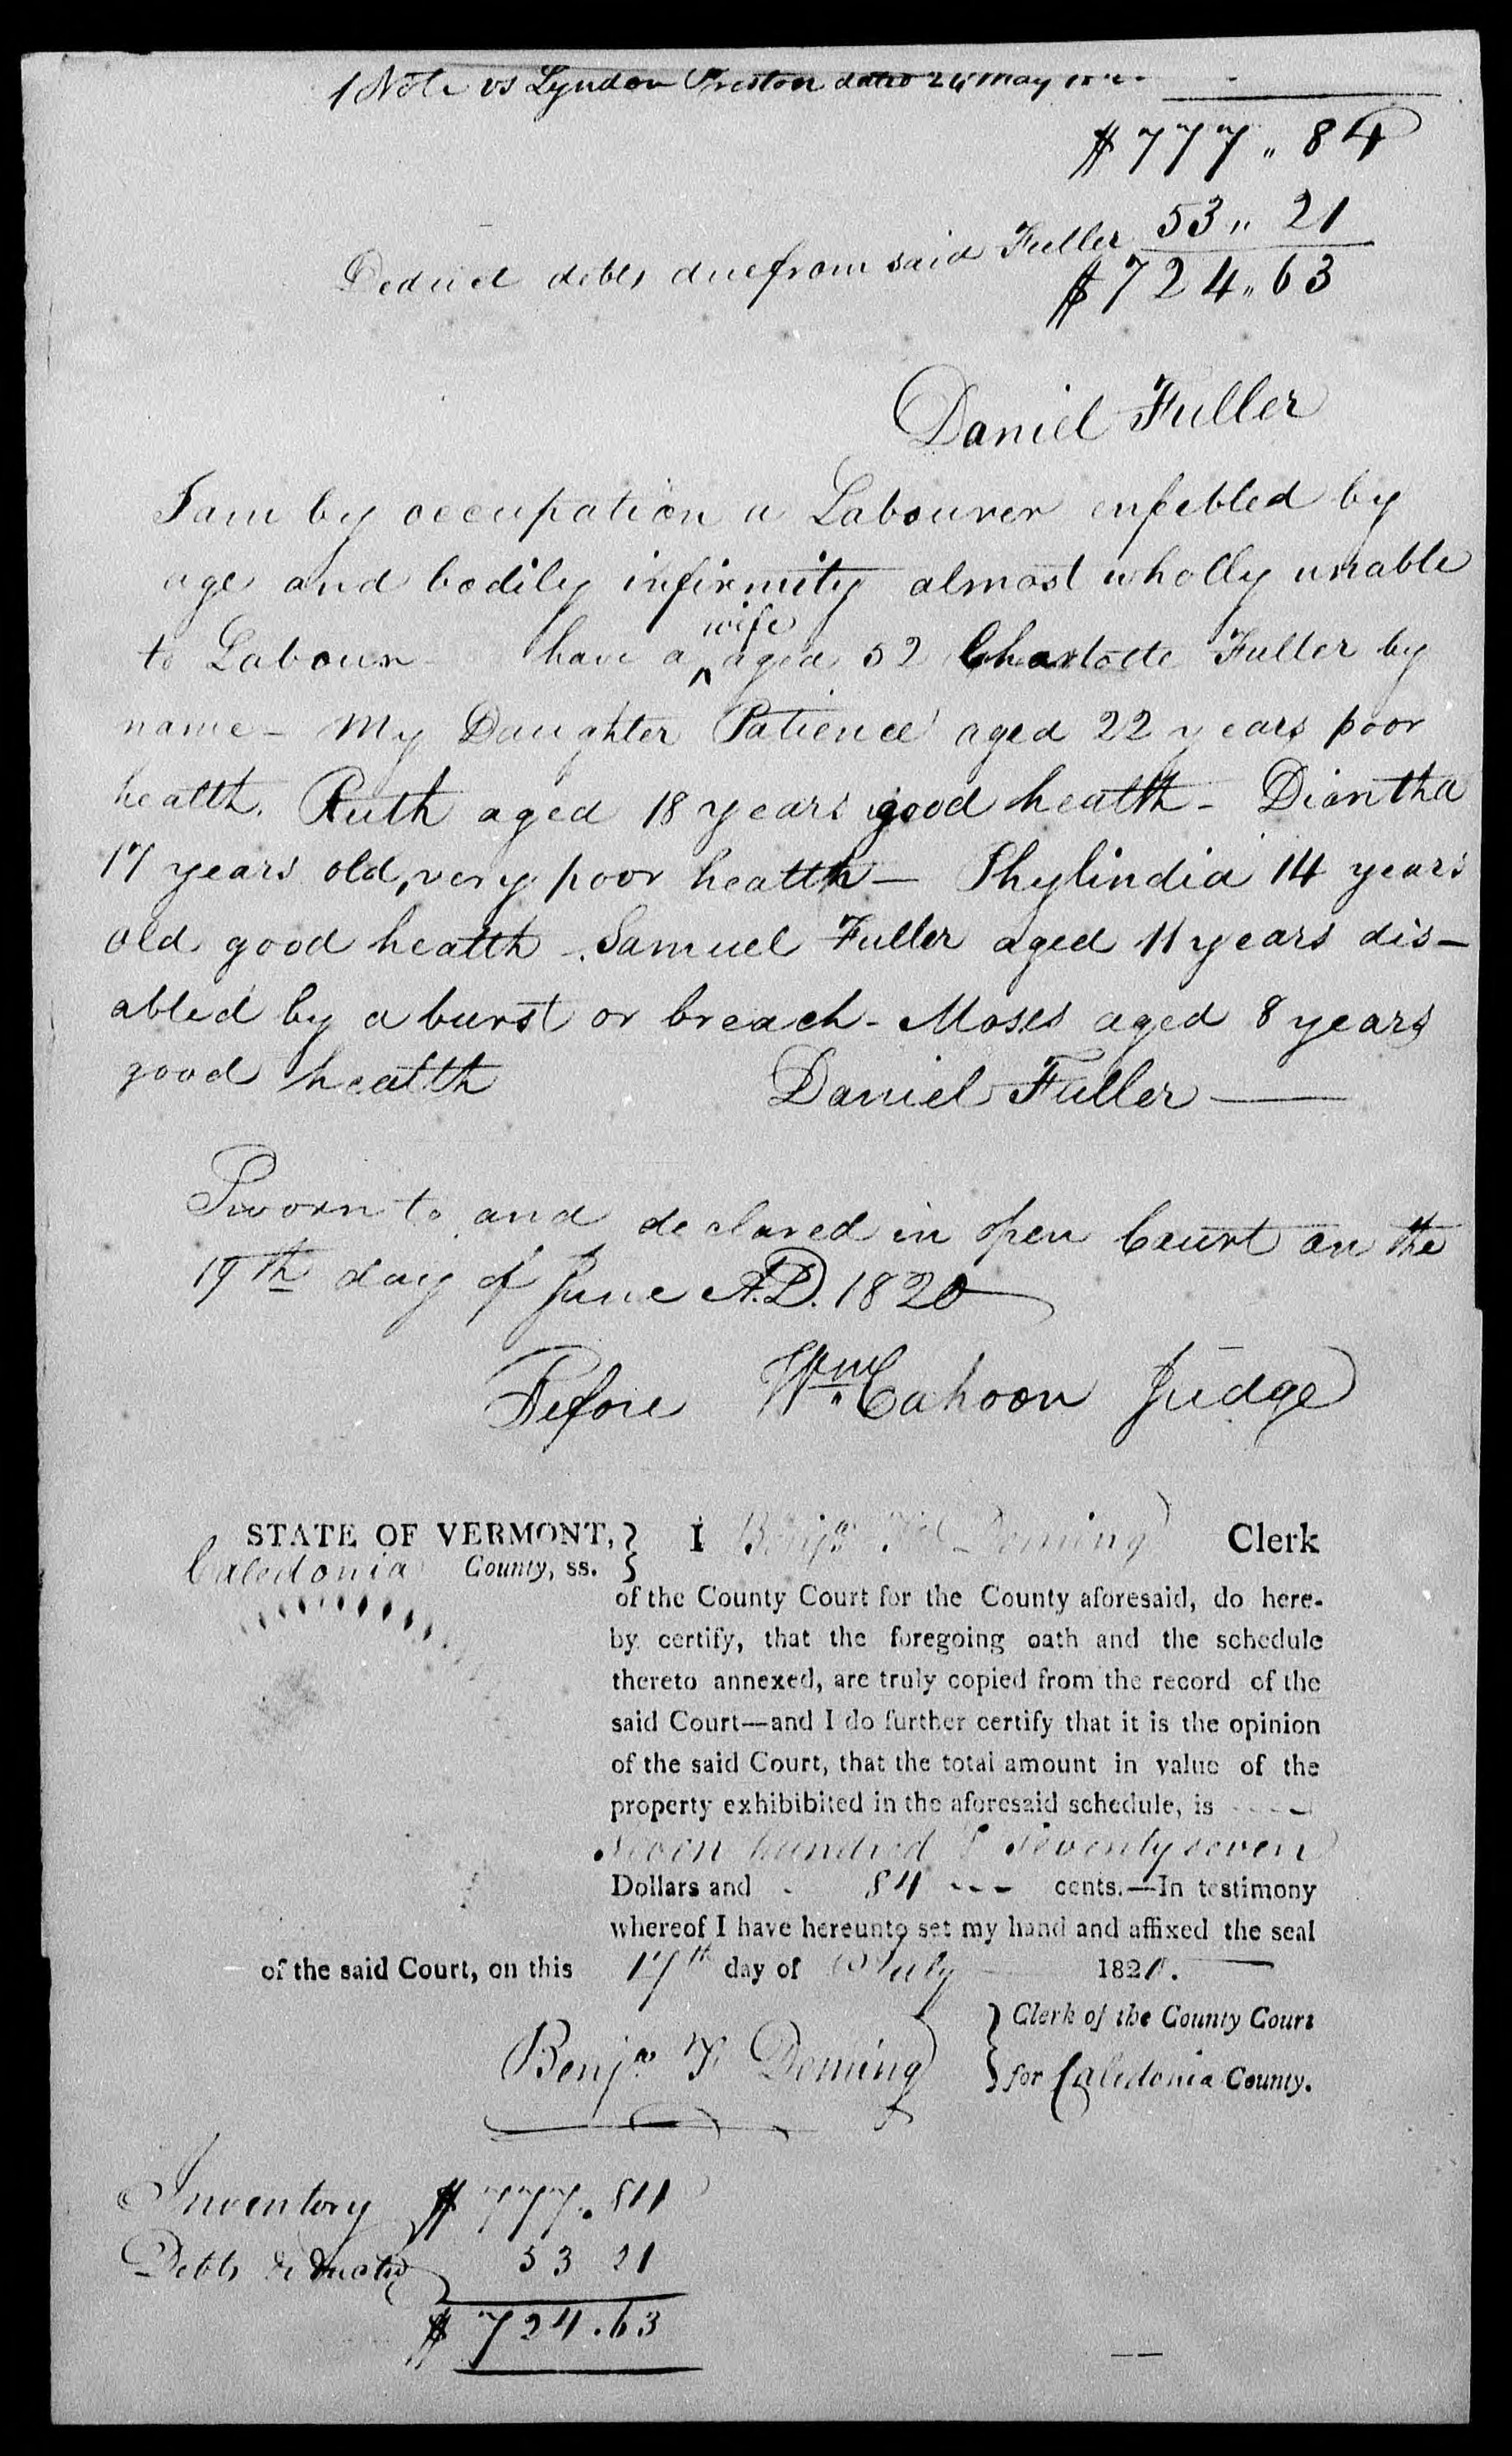Note vs Lyndon Preston dated 24 May 1820 - 5.00
=
$777.84

Deduct debts due from said Fuller 53.21
=
$724.63
Daniel Fuller (signed)

I am by occupation a Labourer enfebled by
age and bodily infirmity almost wholly unable
to Labour have a wife aged 52 Charlotte Fuller by name - my Daughter Patience aged 22 years poor health, Ruth aged 18 years good health. Diantha 17 years old, very poor health-- Phylindia 14 years old good health Samuel Fuller aged 11 years disabled by a burst or breach. Moses aged 8 years good health
Daniel Fuller (signed)

Sworn to and declared in open Court on the 19th day of June A.D. 1820
before Wm Cahoon Judge

STATE OF VERMONT,
Caledonia County, ss.}
I Benjamin F Deming Clerk of the County Court for the County aforesaid, do hereby certify, that the foregoing oath and the schedule thereto annexed, are truly copied from the record of the said Court--and I do further certify that it is the opinion of the said Court, that the total amount in value of the property exhibited in the aforesaid schedule, is....
seven hundred & seventy seven Dollars and 84 cents.  In testimony whereof I have hereunto set my hand and affixed the seal of the said Court, on this 17th day of July 1820. 

Benjamin F Deming } Clerk of the County Court for Caledonia County. 

Inventory $777.84
Debts redacted 33.21
_____________
$724.63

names: Daniel Fuller, Lydon Preston, Diantha, Daniel Fuller, Ruth, Benja F Deming, Benja F Deming, Phylindia, Charlotte Fuller, Fuller, Samuel Fuller, Wm Cahoon, Moses, Patience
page: 17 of 29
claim: survivor's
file: S. 18830, Daniel Fuller, Mass.